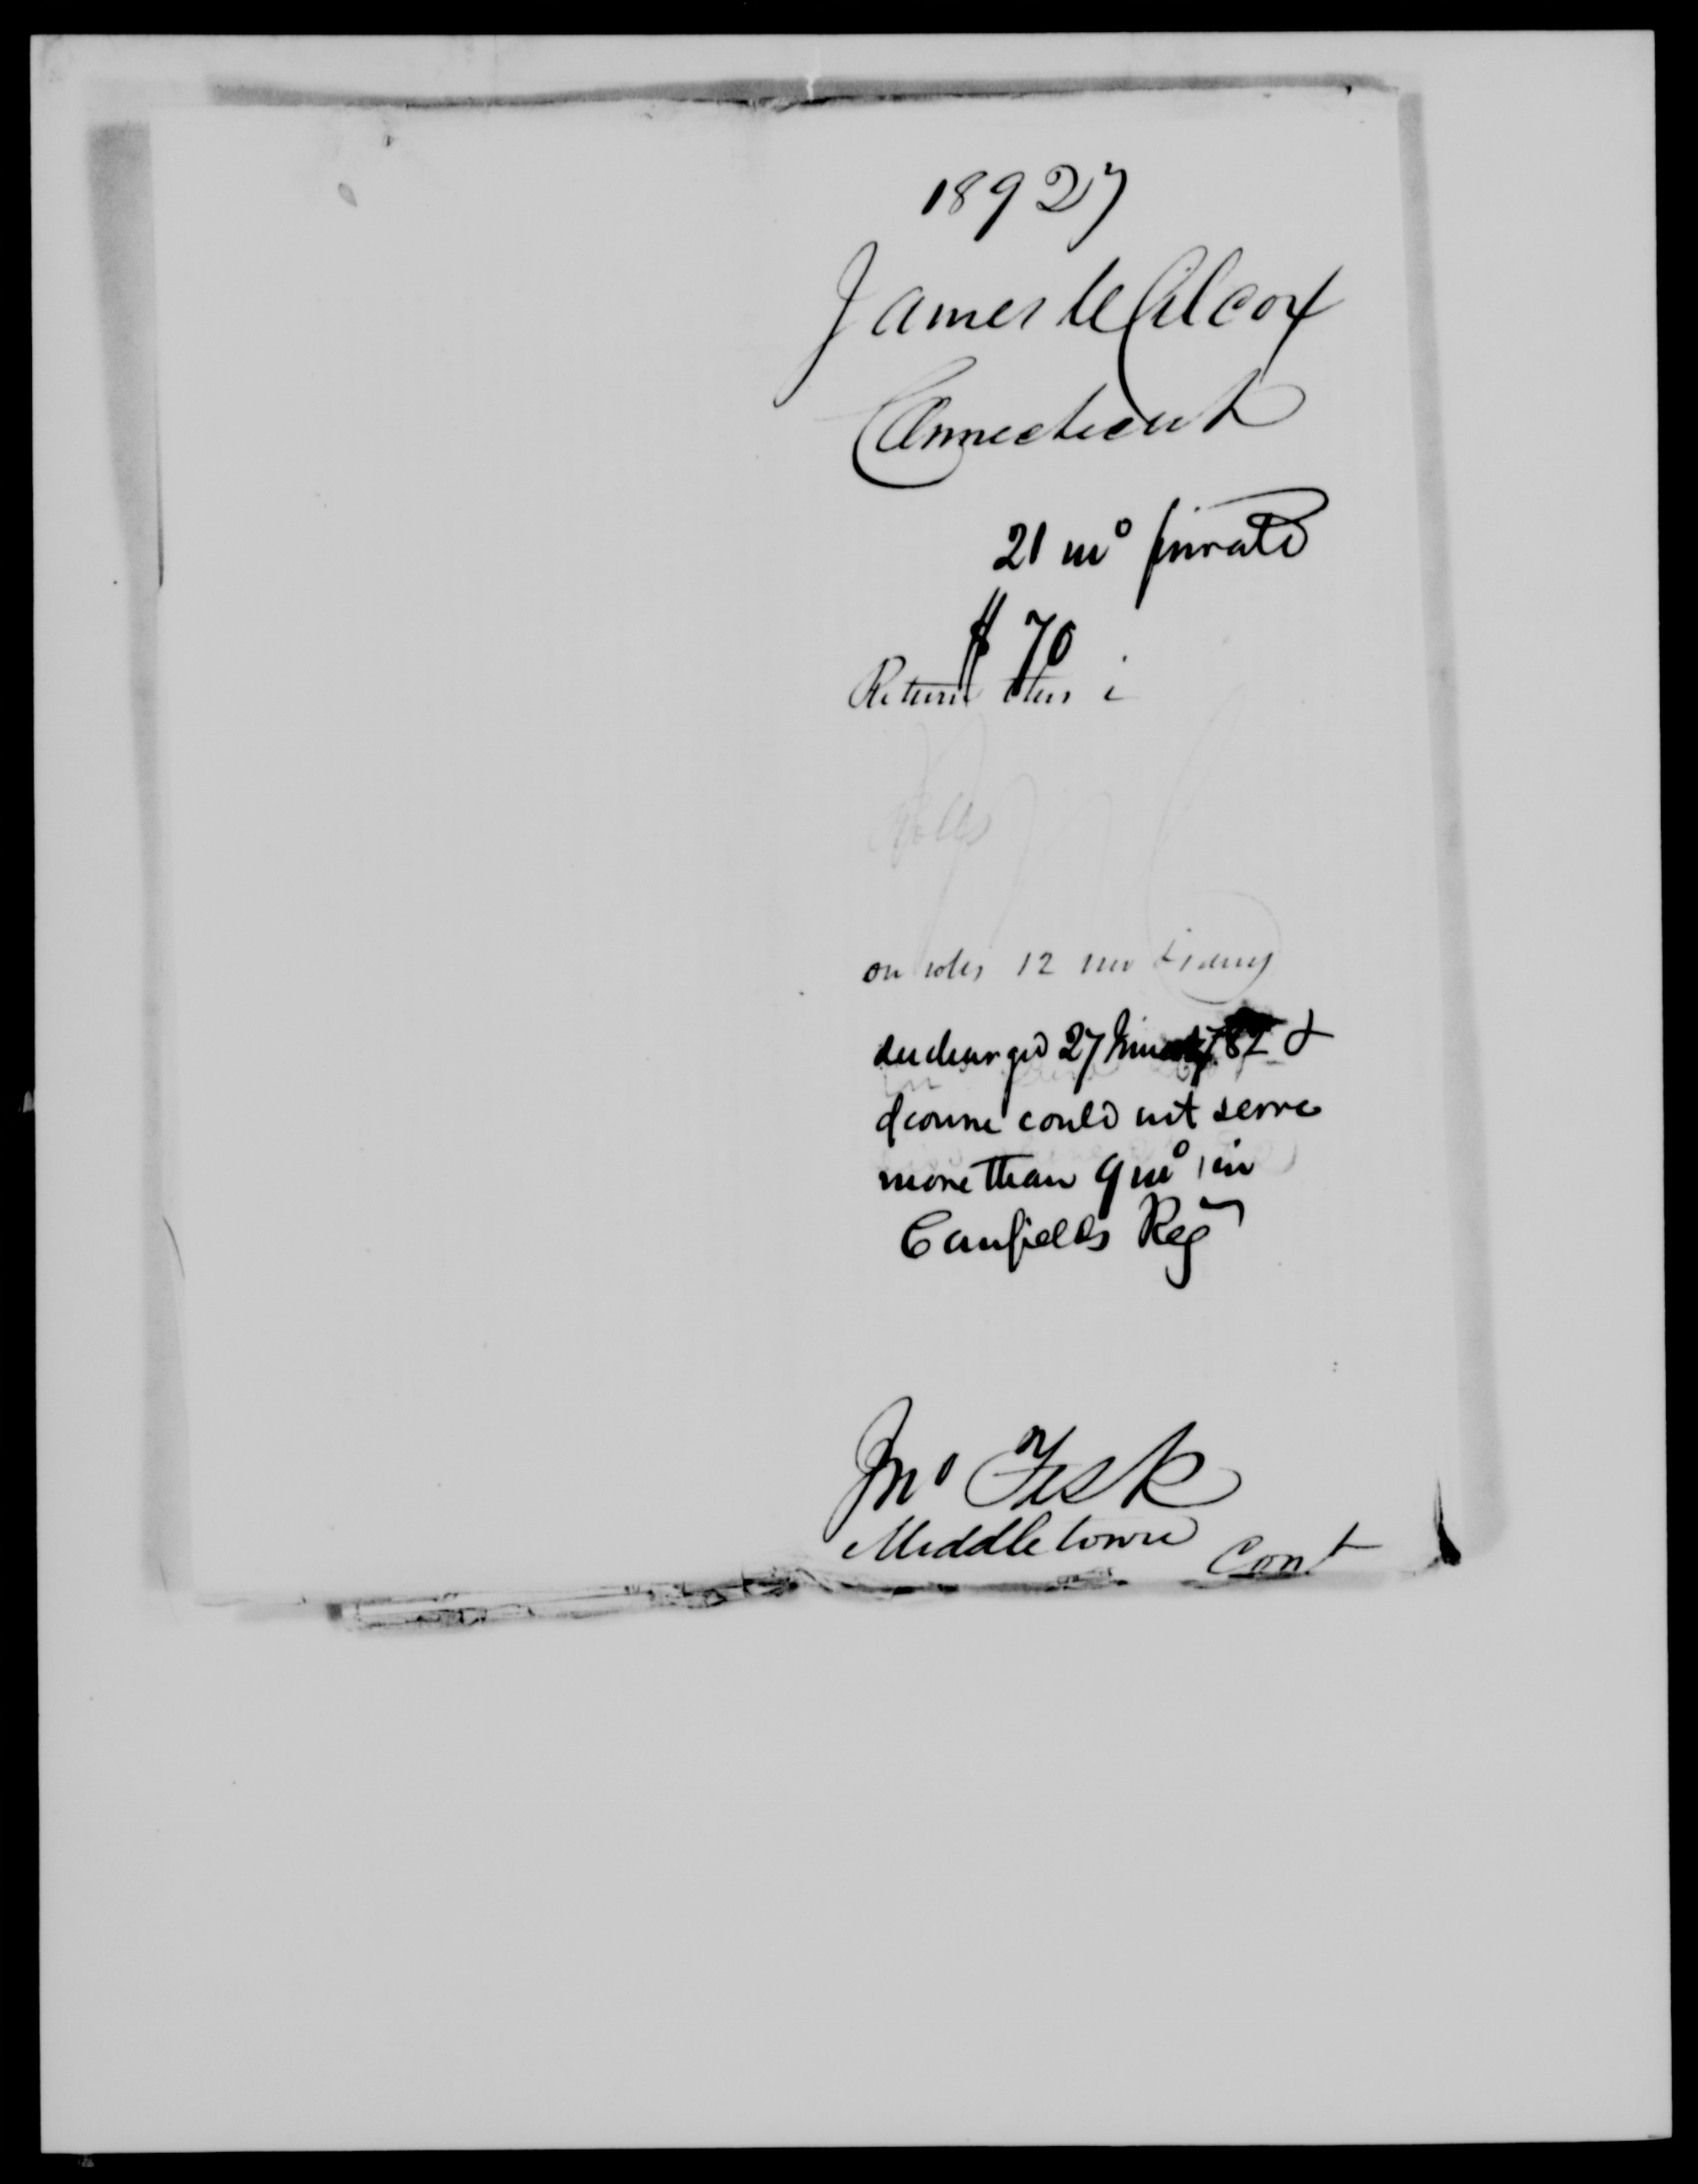18927
James  Wilcox
Connecticut
21 mo private
$70
Return  ten i
On whs 12 m lidny
Dudiarger 27 Mu /82 &
D conn could not serve more than 9 mo/in Canfields Regt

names: James Wilcox, Jno Fisk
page: 6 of 46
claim: widow's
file: W. 18,417, James Willcox, Conn.